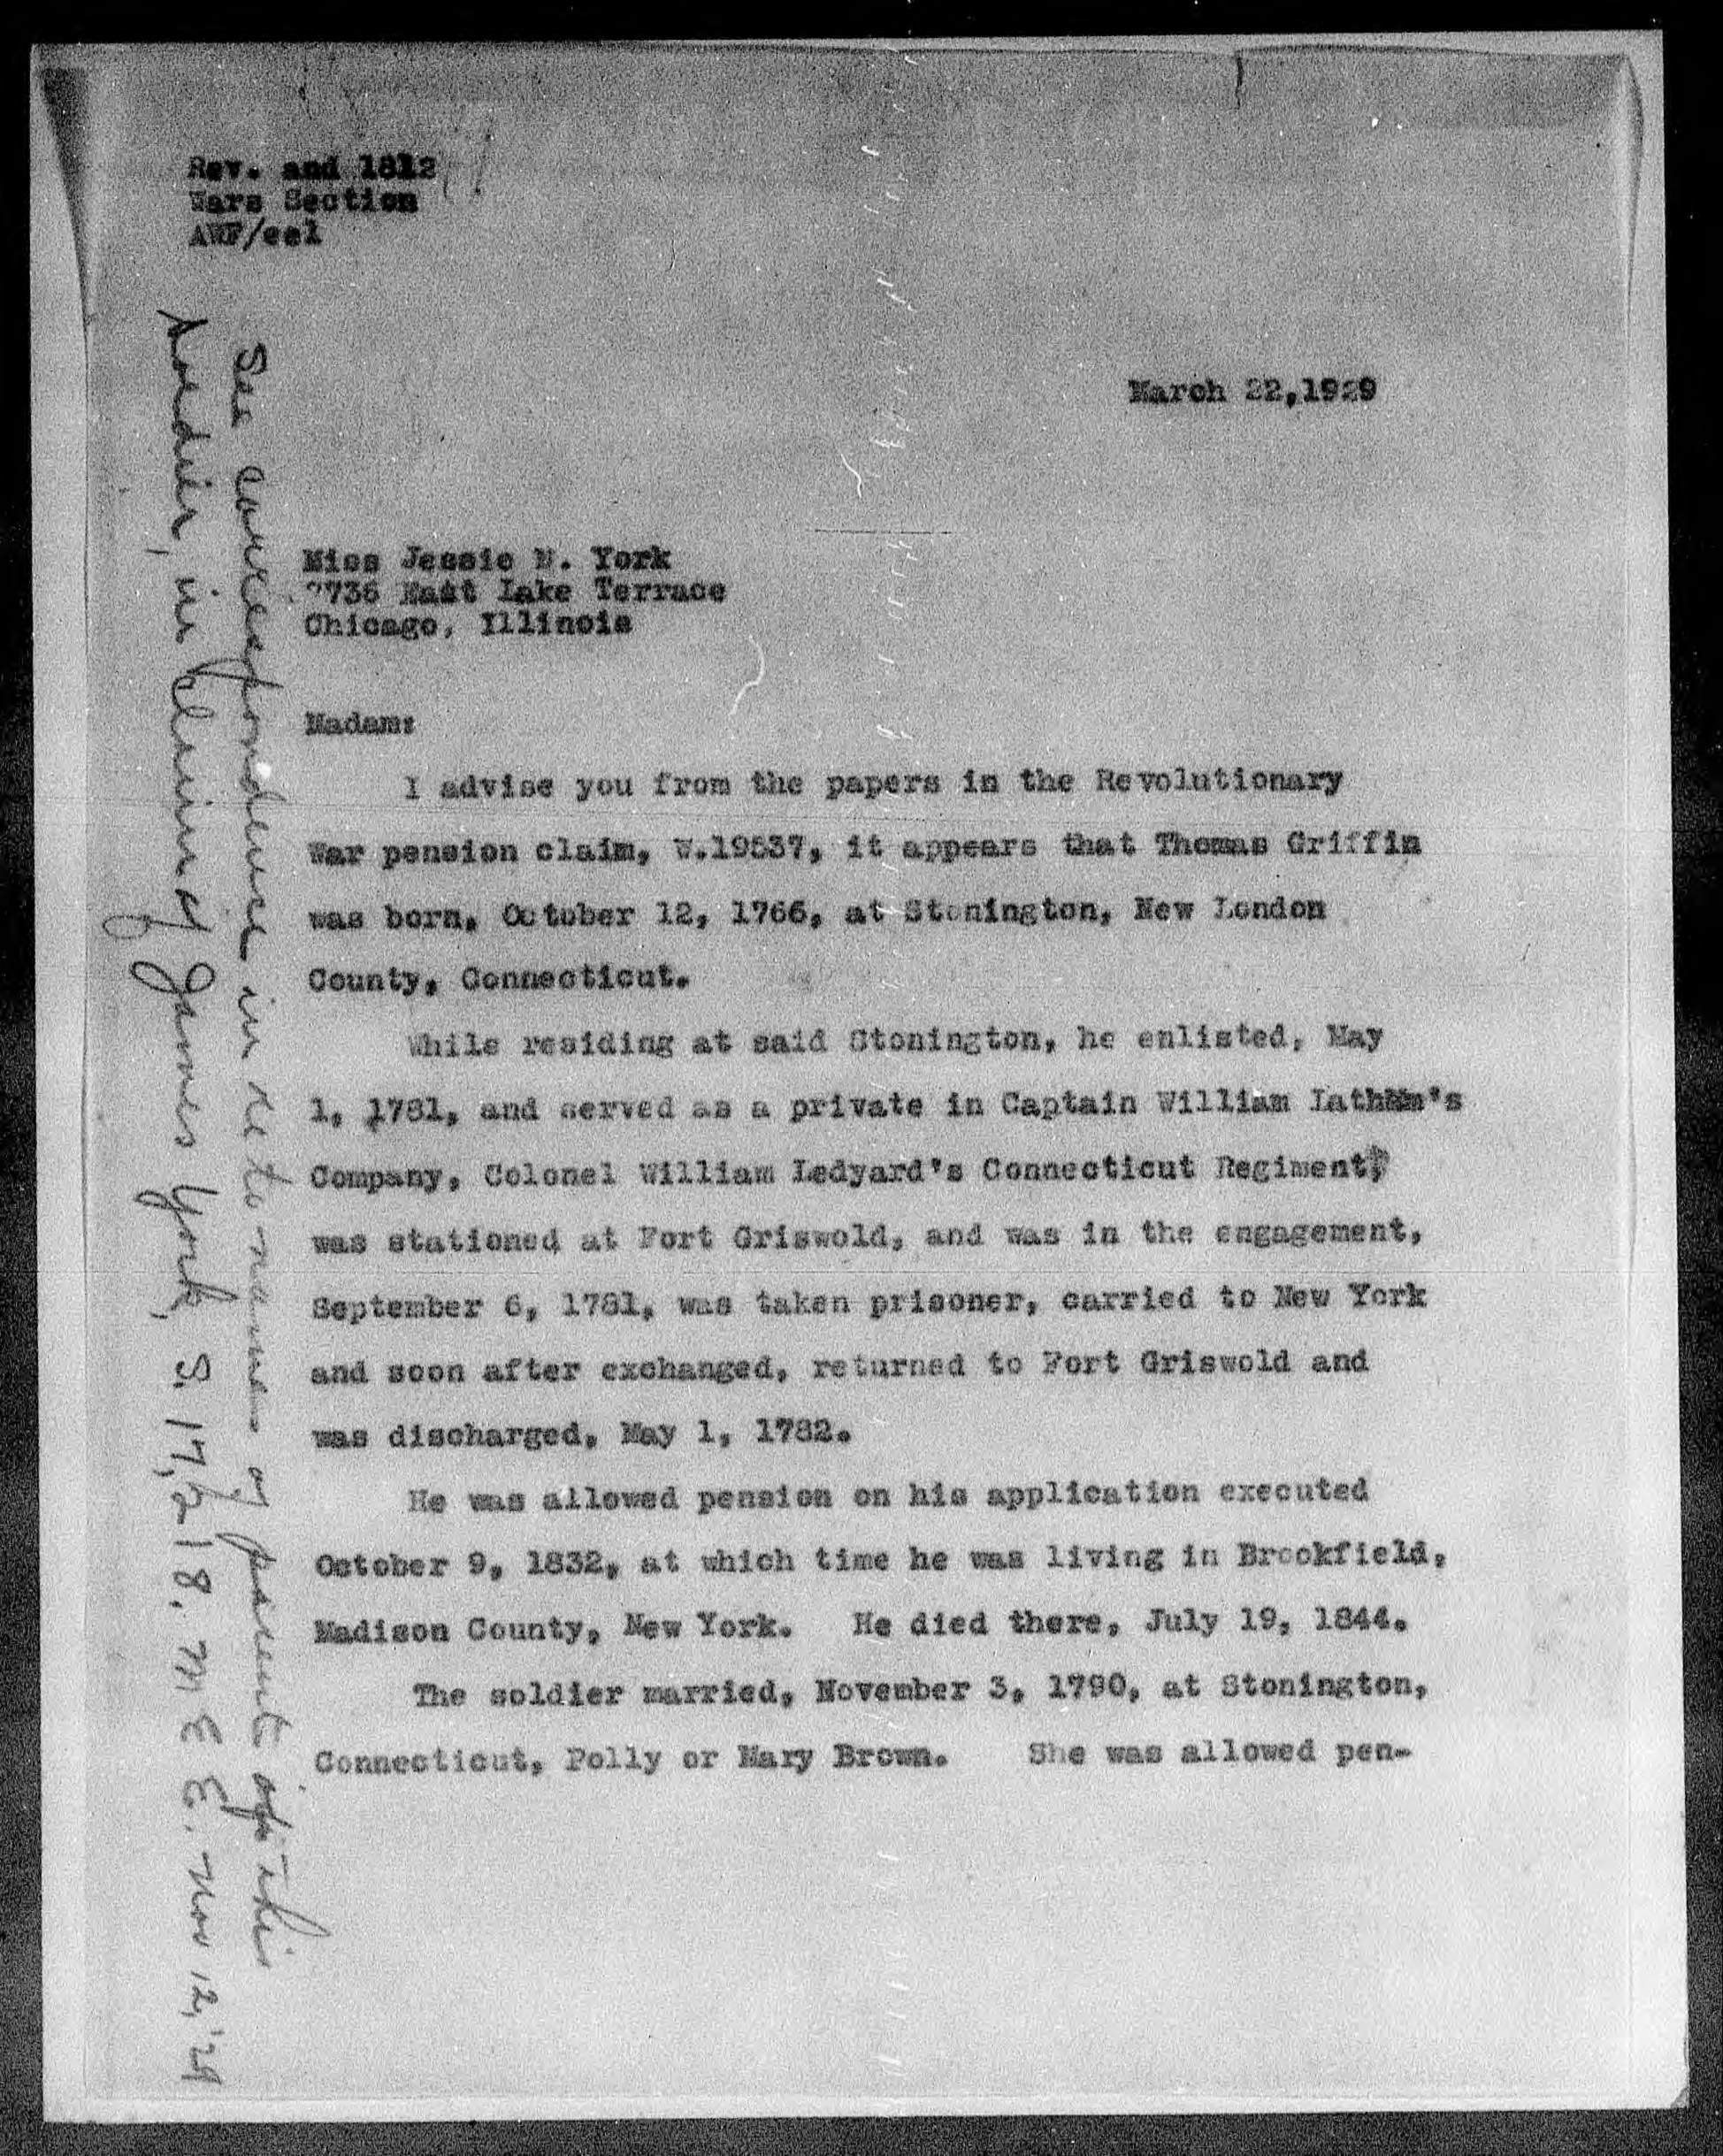Rev. and 1812 Wars Section
AWF/eel
March 22, 1929
Miss Jesse M. York
[ ]736 East Lake Terrace
Chicago, Illinois
Madam: I advise you from the papers in the Revolutionary War pension claim, W. 19537, it appears that Thomas Griffin was born, October 12, 1766, at Stonington, New London County, Connecticut.
While residing at said Stonington, he enlisted, May 1, 1781, and served as a private in Captain William Latham's Company, Colonel William Ledyard's Connecticut Regiment, was stationed at Fort Griswold, and was in the engagement, September 6, 1781, was taken prisoner, carried to New York and soon after exchanged, returned to Fort Griswold and was discharged, May 1, 1782.
He was allowed pension on his application executed October 9, 1832, at which time he was living in Brookfield, Madison County, New York. He died there, July 19, 1844.
The soldier married, November 3, 1790, at Stonington, Connecticut, Polly or Mary Brown. She was allowed pen-

See correspondence in re to names of parents of this soldier in claim of James York, S. 17,218. M E E Nov 12, ‘29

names: Thomas Griffin, Polly Brown, James York, Jessie B York, Mary Brown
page: 23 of 60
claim: widow's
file: W. 19,537, Thomas Griffin, Conn.